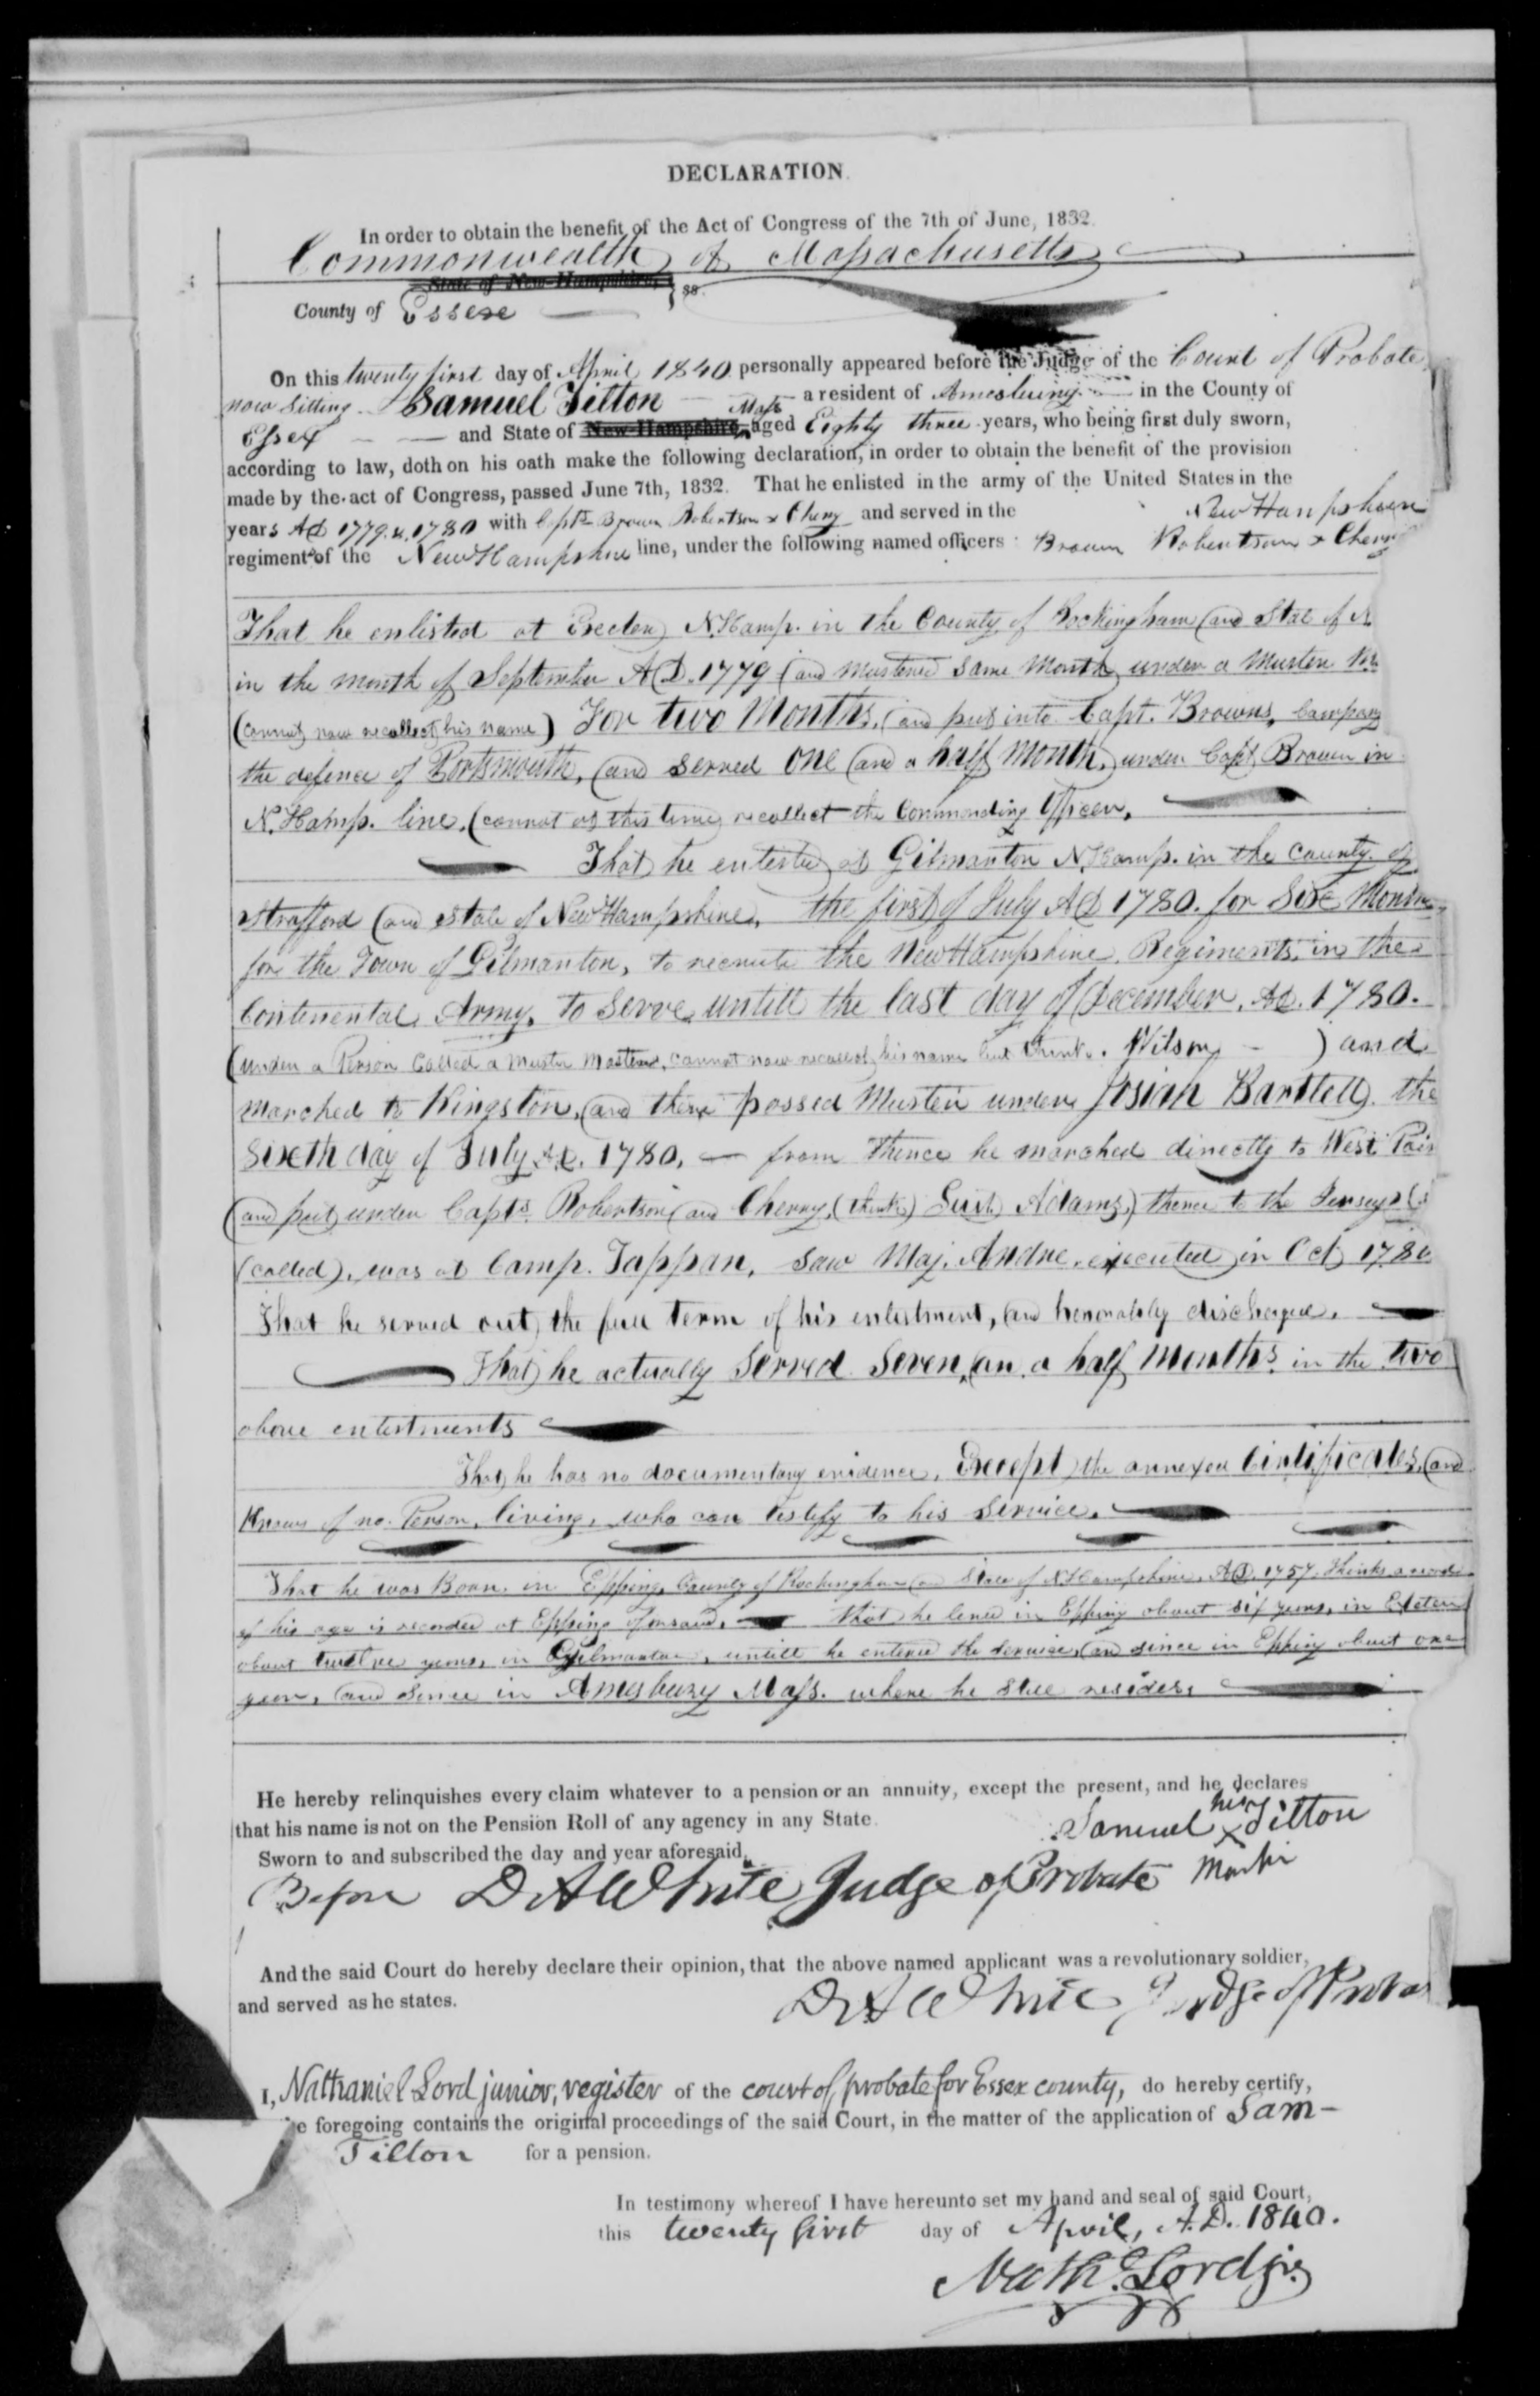DECLARATION
In order to obtain the benefit of the Act of Congress of the 7th of June, 1832
Commonwealth Massachusetts
County of Essex
On this twenty first day of April 1840 personally appeared before the Judge of the Court of Probate now sitting Samuel Tilton a resident of Amesbury in the County of
Essex and State of New Hampshire [crossed out] Mass aged Eighty three years, who being first duly sworn, according to law, doth on his oath make the following declaration, in order to obtain the benefit of the provision made by the act of Congress, passed June 7th, 1832. That he enlisted in the army of the United States in the years AD 1779 and 1780 with Capts [Captains] Brown, Robertson and Cherry and served in the New Hampshire regiment of the New Hampshire line, under the following named officers: Brown Robertson and Cherry
That he enlisted at Exeter N. Hamp. in the County of Rockingham and State of N[page torn]
in the month of September A.D. 1779 and mustered same month, under a Muster M[page torn] the (cannot now recollect his name) For two Months, and put into Capt. Brown[']s, Company the defence of Portsmouth, and served one and a half month, under Capt Brown in N. Hamp. line, (cannot at this time, recollect the commanding officer -
That he entered at Gilmanton N. Hamp, in the County of Strafford and State of New Hampshire, the first of July AD 1780 for Six Months for the Town of Gilmanton, to recruit the New Hampshire Regiments, in the Continental Army, to serve untill the last day of December, AD. 1780 (under a Person called a Muster Master, cannot now recollect his name but thinks, Wilson) and marched to Kingston, and then passed Muster under Josiah Bartlett the Sixth day of July A.D. 1780, - from thence he marched directly to West Poin[page torn] and put under Capt. Robertson and Cherry, (think) Lieut Adams, thence to the Jerseys  (s[page torn] called), was at Camp Tappan, saw Maj [Major] Andre, executed in Oct 1780 That he served out the full term of his enlistment, and honorably discharged.
That he actually Served seven and a half months in the two
above enlistments.
That he has no documentary evidence, Except the annexed Certificates, and knows of no Person, living, who can testify to his service.
That he was born in Epping, County of Rockingham and State of N Hampshire AD 1757 thinks a record of his age is recorded at Epping aforesaid. that he lived in Epping about six years, in Exeter about twelve years, in Gilmanton, untill he entered the service, and since in Epping about one
year, and since in Amesbury, Mass. where he still resides.

He hereby relinquishes every claim whatever to a pension or an annuity, except the present, and he declares that his name is not on the Pension Roll of any agency in any State.
Samuel Tilton his Mark x
Before D A White Judge of Probate
And the said Court do hereby declare their opinion, that the above named applicant was a revolutionary soldier,
and served as he states.
D A White Judge of Probate
I, Nathaniel Lord junior, register of the court of probate for Essex County, do hereby certify, the foregoing contains the original proceedings of the said Court, in the matter of the application of Sam-[seal covers page] Tilton for a pension.
In testimony whereof I have hereunto set my hand and seal of said Court, this twenty first day of April, A.D. 1840.
Nathl Lord Jr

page: 7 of 55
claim: widow's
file: W. 14,021, for Samuel Tilton, New Hampshire